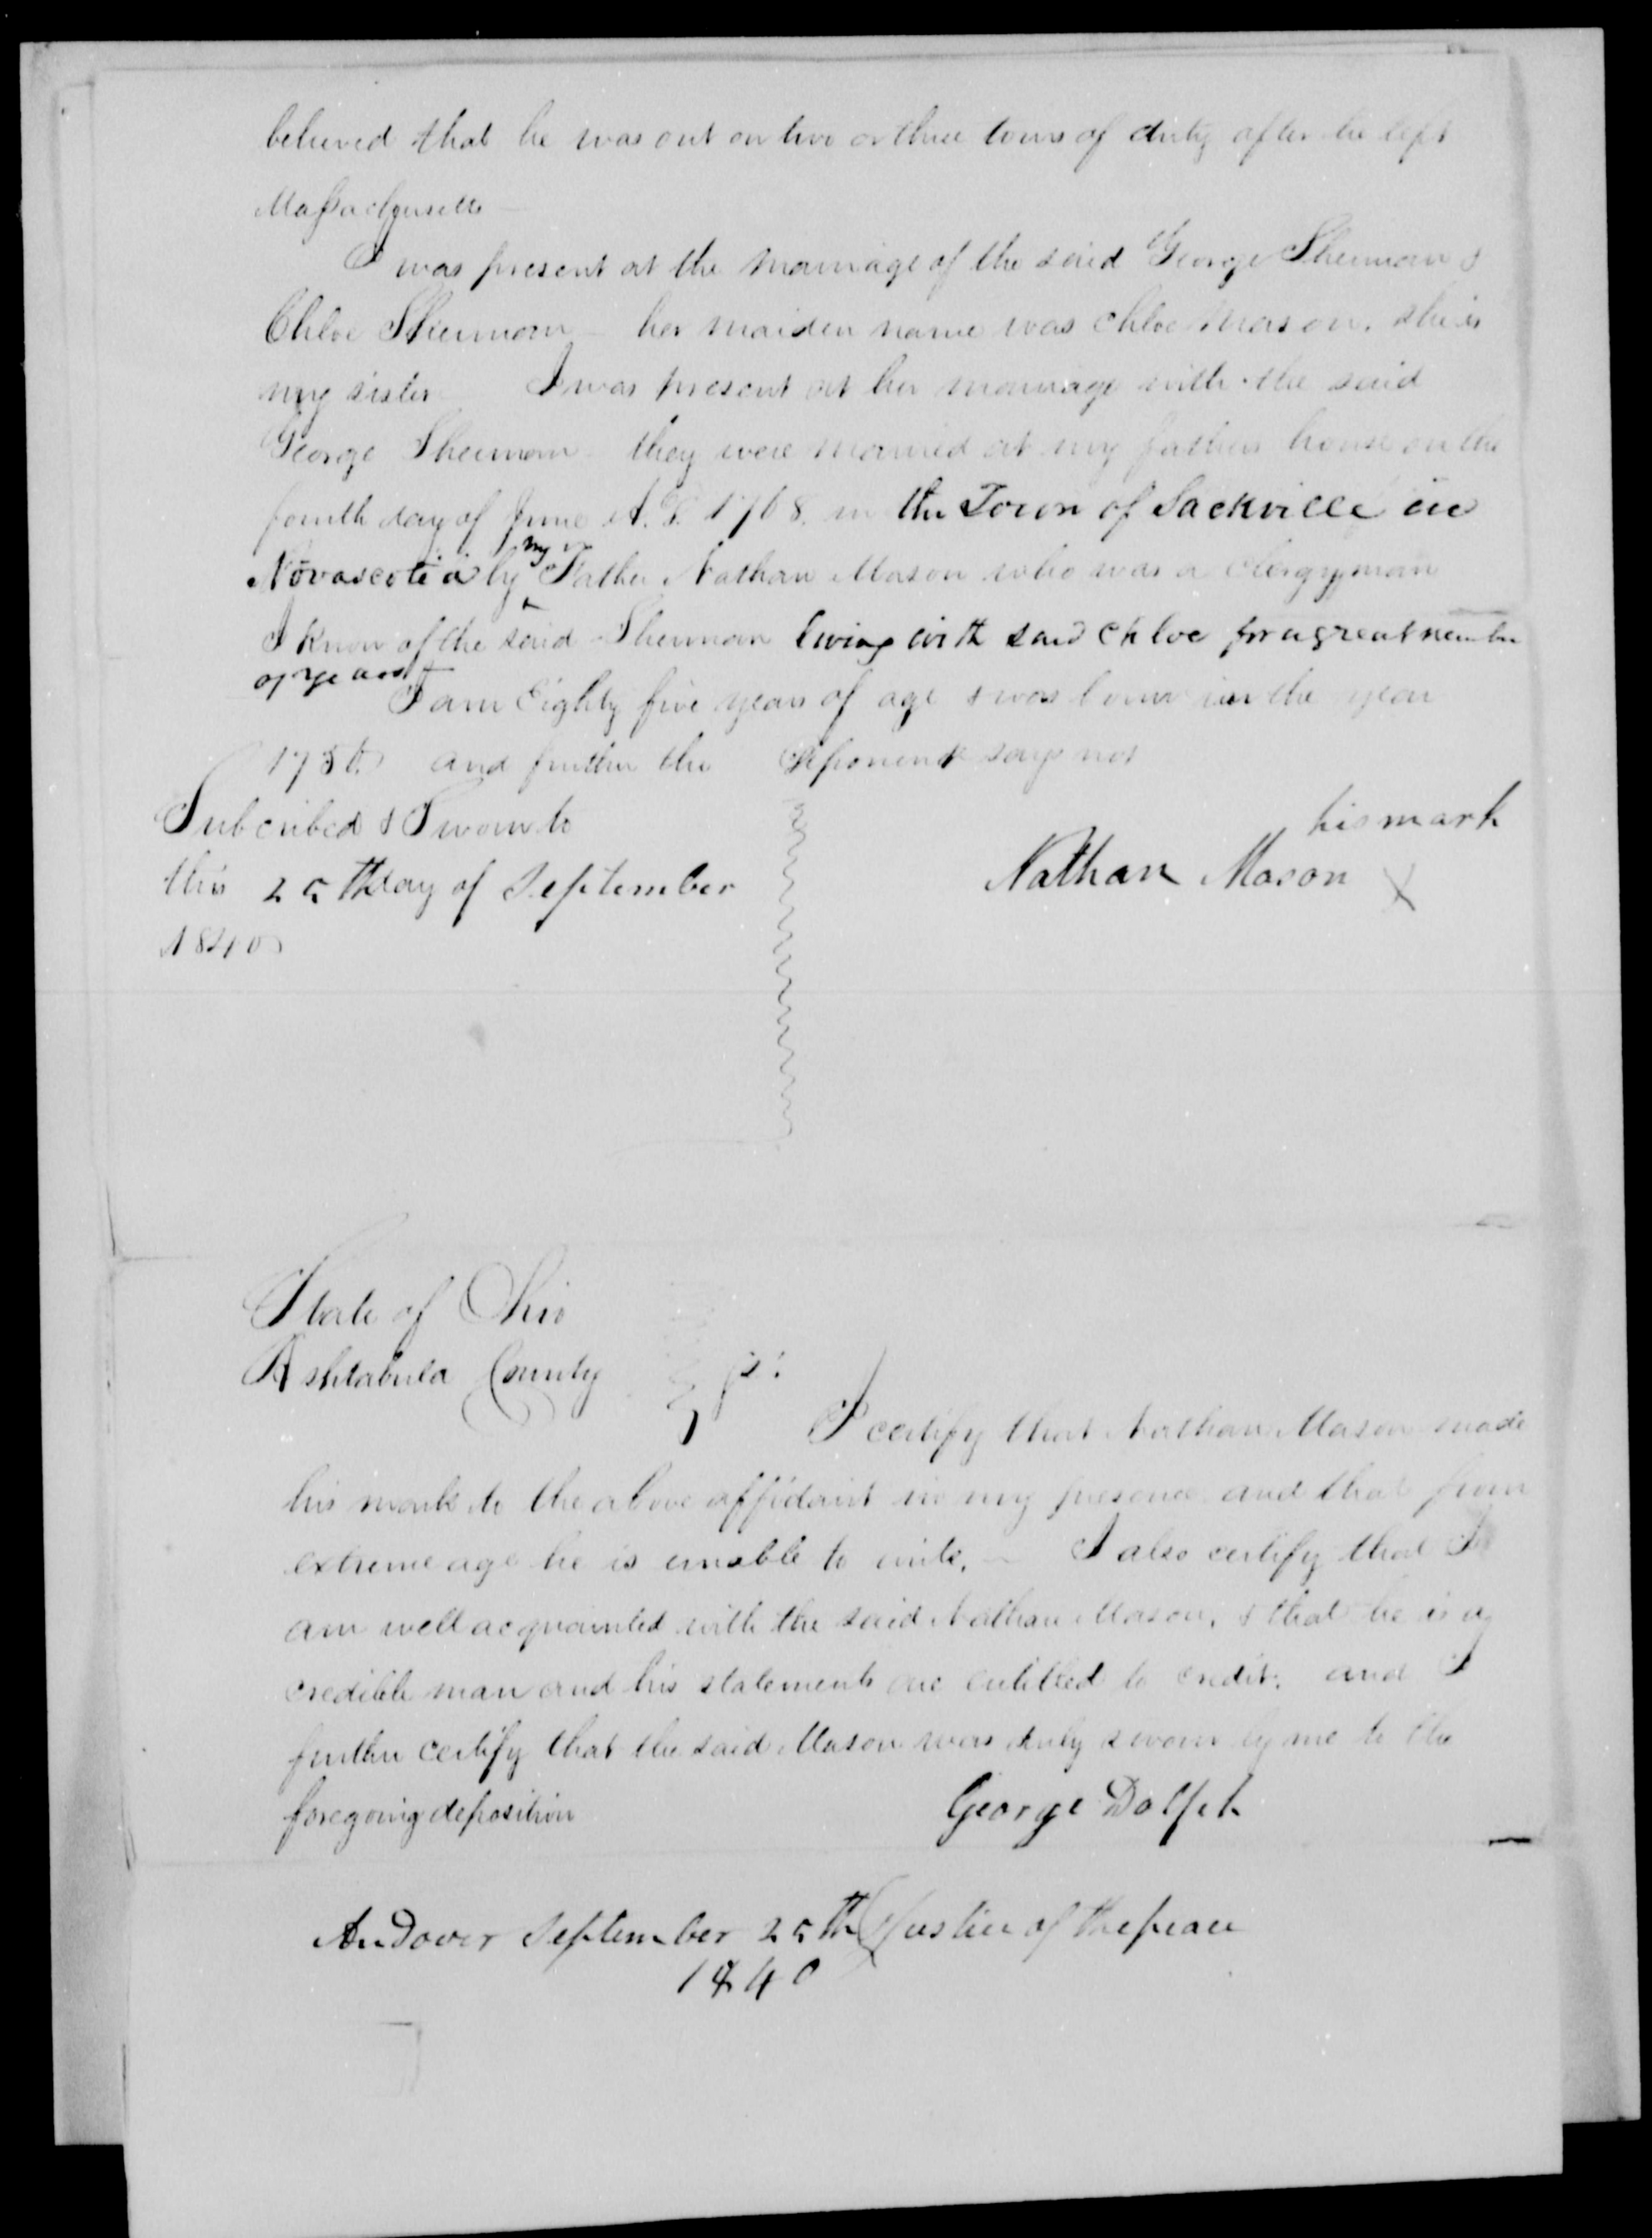believed that he was out on two or three tours of duty after he left
Massachusetts
I was present at the marriage of the said George Sherman
Chloe Sherman her maiden name was Chloe Mason, she is
my sister
I was present at her manage with the said
George Sherman they were married at my father's house on the
fourth day of June A.D. 1768 in the Town of Sackville in
Nova scotia Father Nathan Mason who was a clergyman
I know of the said Sherman living with said Chloe for a great number
of years I am Eighty-five years of age & was born in the year
1756 and further the deponent says not
subscribed & sworn to
this 25th day of September
his mark
Nathan Mason
1840
State of Ohio
Ashtabula County
I certify that Nathan Mason made
his mark to the above affidavit in my presence and that from
extreme age he is unable to it. I also certify that 
I am well acquainted with the said Nathan Mason, & that he is a
credible man and his statements are entitled to credit, and
further certify that the said Mason was duly sworn by me to the
foregoing deposition
George Dolph
Andover September 25th Justice of the peace
1840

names: George Sherman; Chloe Sherman; Nathan Mason; [BLANK] Sherman; Nathan Mason; Chloe Mason; George Sherman; Chloe [BLANK]; [BLANK] Mason; George Dolph; Nathan Mason; Nathan Mason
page: 20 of 52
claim: rejected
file: R. 9493, for George Sherman, Vermont